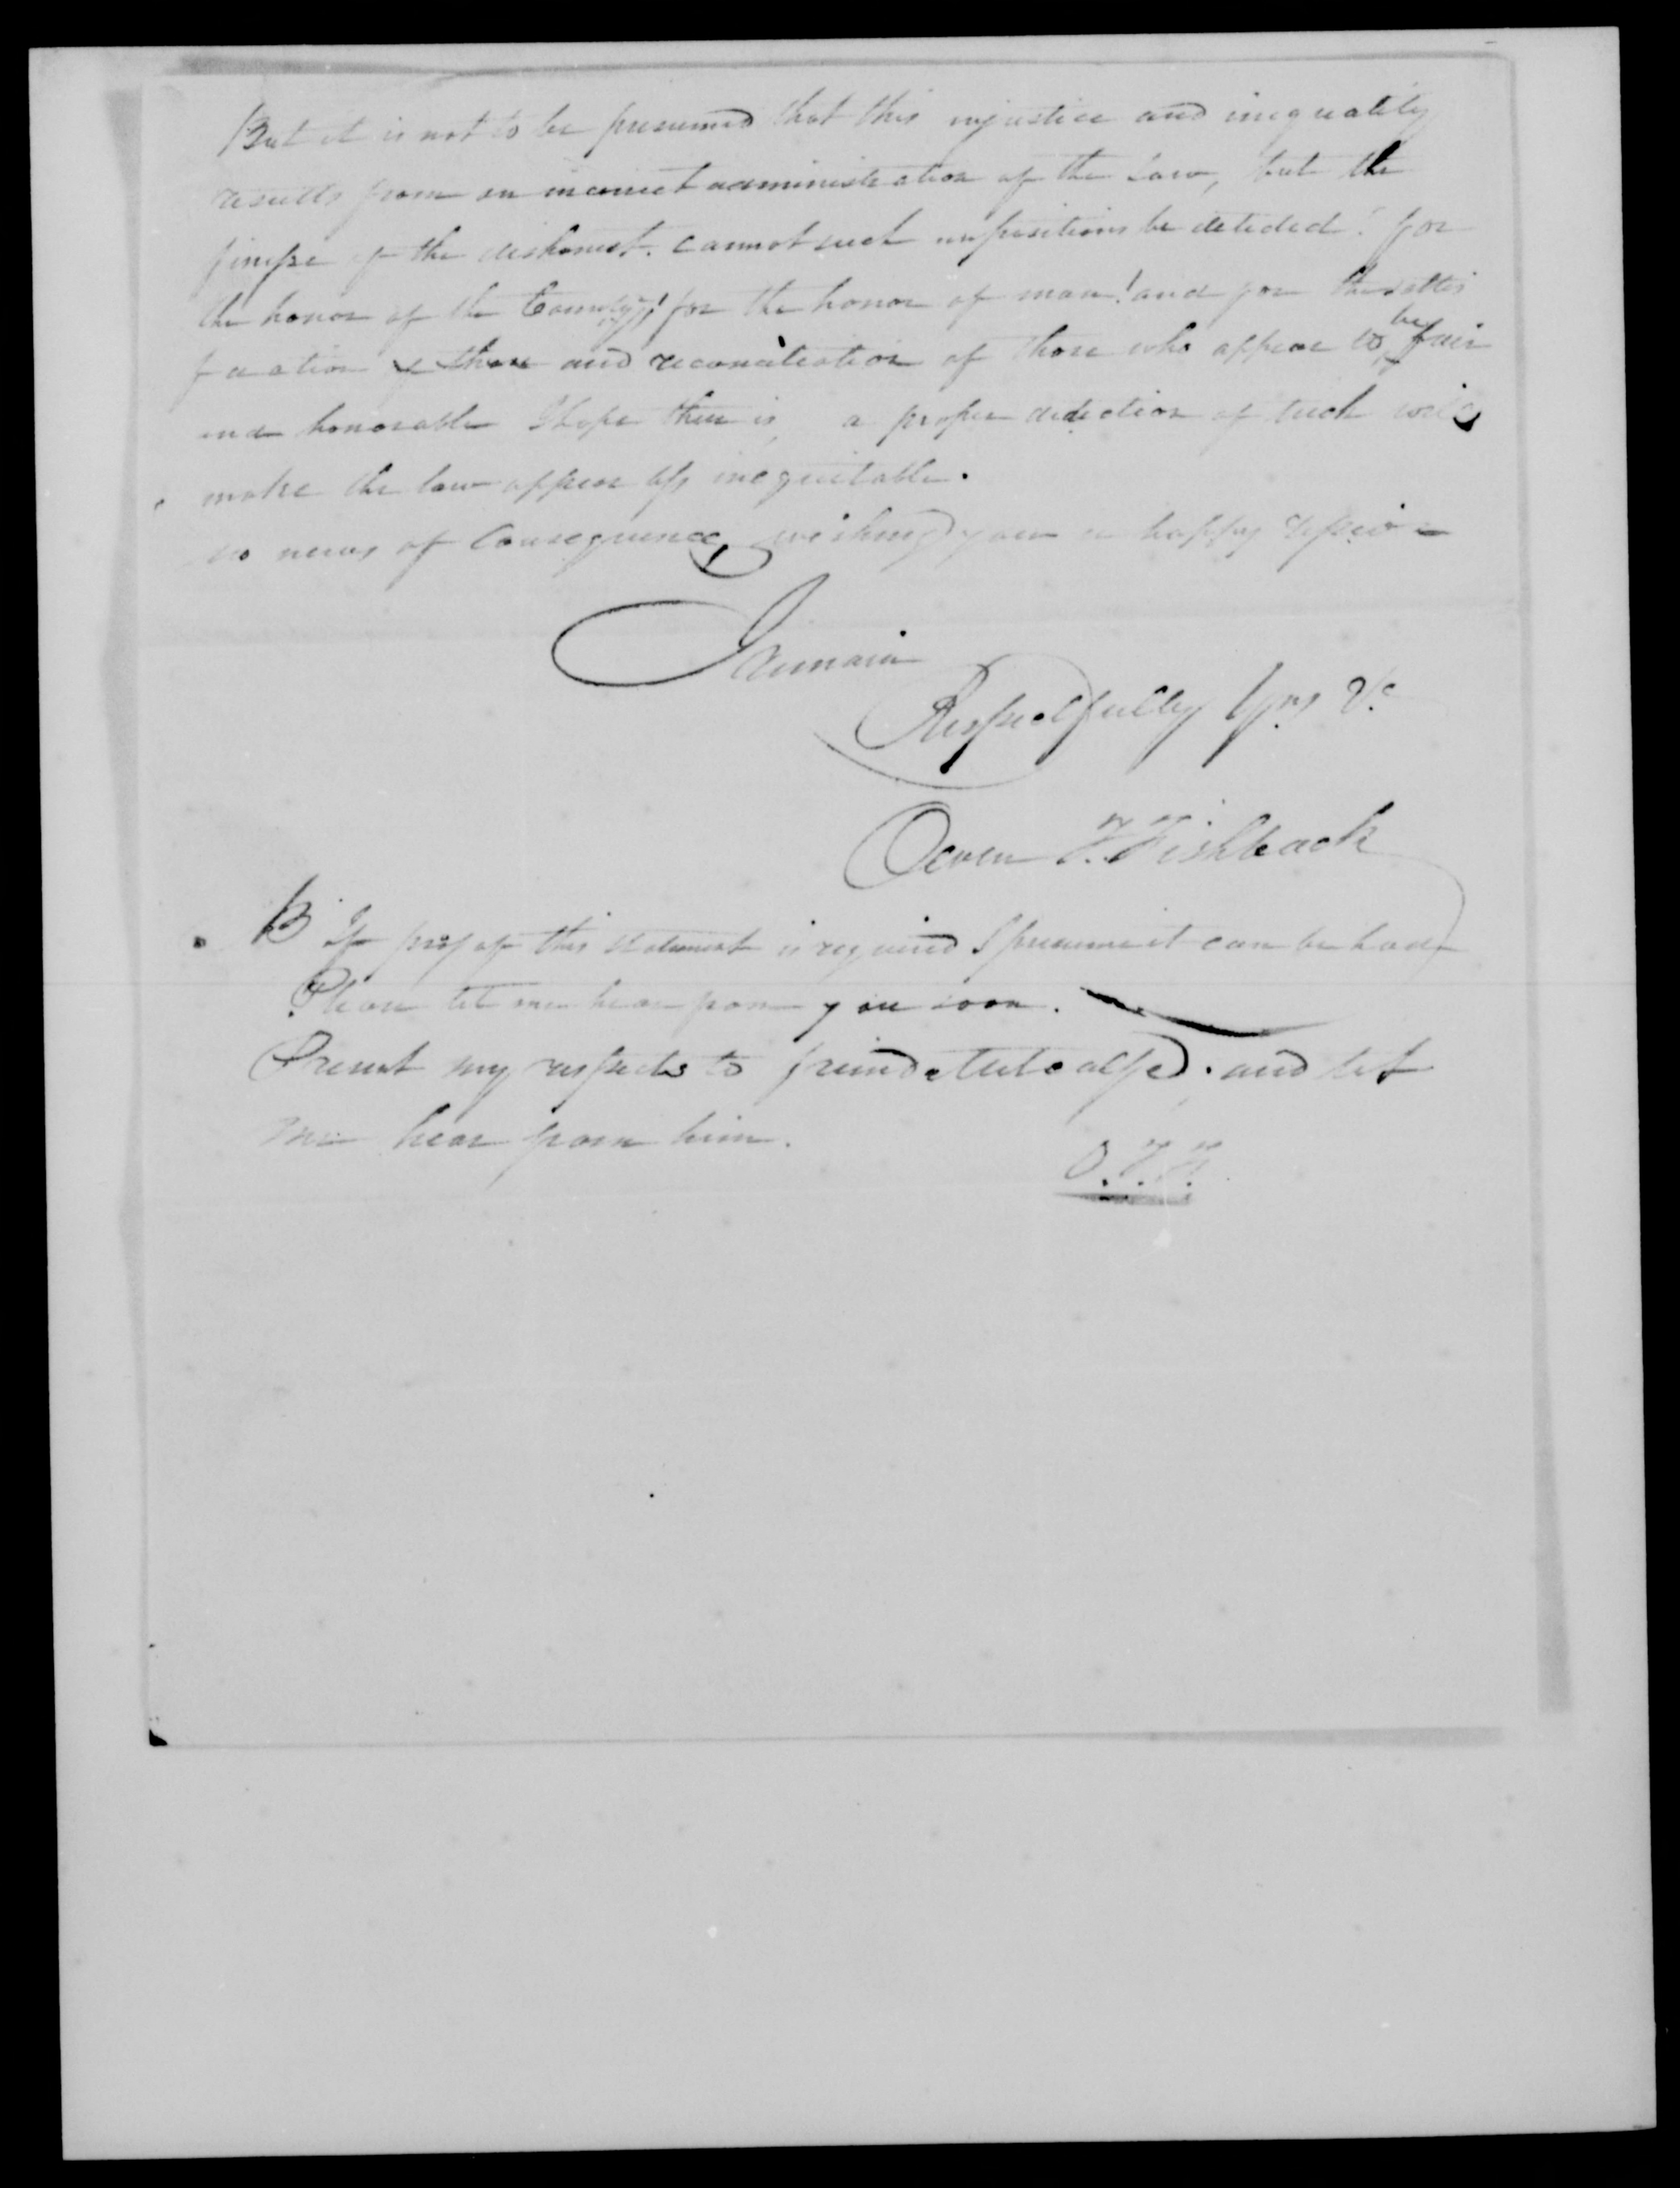But it is not to be presumed that this injustice and inequality results from an incorrect administration of the Law, but the finesse of the dishonest cannot such impositions be detected I for the honor of the Country for the honor of man! and for this injustice of them and reconciliation of those who appear to be fair and honorable I hope there is a proper resolion [resolution?] of such will make the law appear less inequitable. 
In news of Consequence wishing you a happy LIfe &c [??] - I remain Respectfully Yrs st. [signature:]  Owen F. Fishback 
If proof of this statement is required I perceive it can be had Please let me hear from you soon. Present my respects to friend Metcalfe [??] and let me hear from him. O. F. F. [initials]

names: Owen F Fishback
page: 26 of 66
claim: survivor's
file: S 40458, for Obadiah Smith, New York